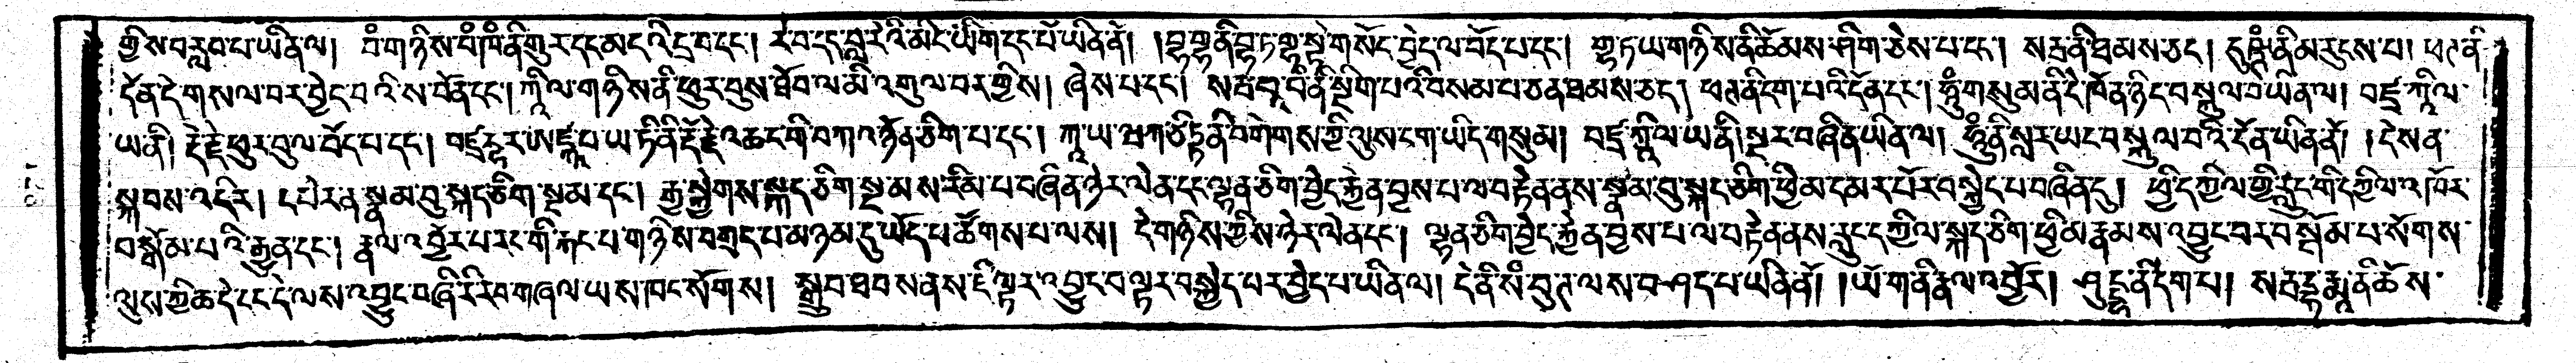གྱིས་བརླབ་པ་ཡིན་ལ། བཾ་གཉིས་པཾ་ཁཾ་ནི་གུར་དང་མདའི་དྲ་བ་དང་། རེ་བ་དད་བླ་རེའི་མིང་ཡིག་དང་པོ་ཡིན་ནོ། །བྷ་གྷ་ནི་བྷ་ཏ་གྷ་སྟེ་གསོང་བྱེད་ལ་བོད་པ་དང་། གྷ་ཏ་ཡ་གཉིས་ནི་ཆོམས་ཤིག་ཅེས་པ་དང་། སརྦ་ནི་ཐམས་ཅད། དུཥྚཾ་ནི་མ་རུངས་པ། ཕཊ་ནི་
དོན་དེ་གསལ་བར་བྱེད་བའི་ས་བོན་དང་། ཀཱི་ལ་གཉིས་ནི་ཕུར་བུས་ཐོབ་ལ་མི་འགུལ་བར་གྱིས། ཞེས་པ་དང་། སརྦ་བཱ་པཾ་ནི་སྡིག་པའི་བསམ་པ་ཅན་ཐམས་ཅད། ཕཊ་ནི་དག་པའི་དོན་དང་། ཧཱུཾ་གསུམ་ནི་དེ་ཁོ་ན་ཉིད་བསྐུལ་བ་ཡིན་ལ། བཛྲ་ཀཱི་ལ་
ཡ་ནི། རྡོ་རྗེ་ཕུར་བུ་ལ་བོད་པ་དང་། བཛྲདྷར་ཨཛྙཱ་པ་ཡ་ཏི་ནི་རྡོ་རྗེ་འཆང་གི་བཀའ་ཉོན་ཅིག་པ་དང་། ཀཱ་ཡ་ཝཀ་ཙིཏྟ་ནི་བགེགས་ཀྱི་ལུས་ངག་ཡིད་གསུམ། བཛྲ་ཀཱི་ལ་ཡ་ནི། སྔར་བཞིན་ཡིན་ལ། ཧཱུཾ་ནི་སླར་ཡང་བསྐུལ་བའི་དོན་ཡིན་ནོ། །དེས་ན་
སྐབས་འདིར། དཔེར་ན་སྣམ་བུ་སྐད་ཅིག་སྡམ་དང་། རྒྱ་སྐྱེགས་སྐད་ཅིག་སྔ་མས་རིམ་པ་བཞིན་ཉེར་ལེན་དང་ལྷན་ཅིག་བྱེད་རྐྱེན་བྱས་པ་ལ་བརྟེན་ནས་སྣམ་བུ་སྐད་ཅིག་ཕྱི་མ་དམར་པོར་བསྐྱེད་པ་བཞིན་དུ། ཕྱི་དཀྱིལ་གྱི་རླུང་གི་དཀྱིལ་འཁོར་
བསྒོམ་པའི་རྒྱུན་དང་། རྣལ་འབྱོར་པ་རང་གི་རྐང་པ་གཉིས་བགྲད་པ་མཉམ་དུ་ཡོད་པ་ཚོགས་པ་ལས། དེ་གཉིས་ཀྱིས་ཉེར་ལེན་དང་། ལྷན་ཅིག་བྱེད་རྐྱེན་བྱས་པ་ལ་བརྟེན་ནས་རླུང་དཀྱིལ་སྐད་ཅིག་ཕྱི་མ་རྣམས་འབྱུང་བར་བསྒོམ་པ་སོགས་
ལུས་ཀྱི་ཆ་དེ་དང་དེ་ལས་འབྱུང་བཞི་རི་རབ་གཞལ་ཡས་ཁང་སོགས། སྒྲུབ་ཐབས་ནས་ཇི་ལྟར་འབྱུང་བ་ལྟར་བསྐྱེད་པར་བྱེད་པ་ཡིན་ལ། དེ་ནི་སཾ་བུ་ཊ་ལས་བཤད་པ་ཡིན་ནོ། །ཡོ་ག་ནི་རྣལ་འབྱོར། ཤུདྡྷ་ནི་དག་པ། སརྦ་དྷ་རྨཱ་ནི་ཆོས་